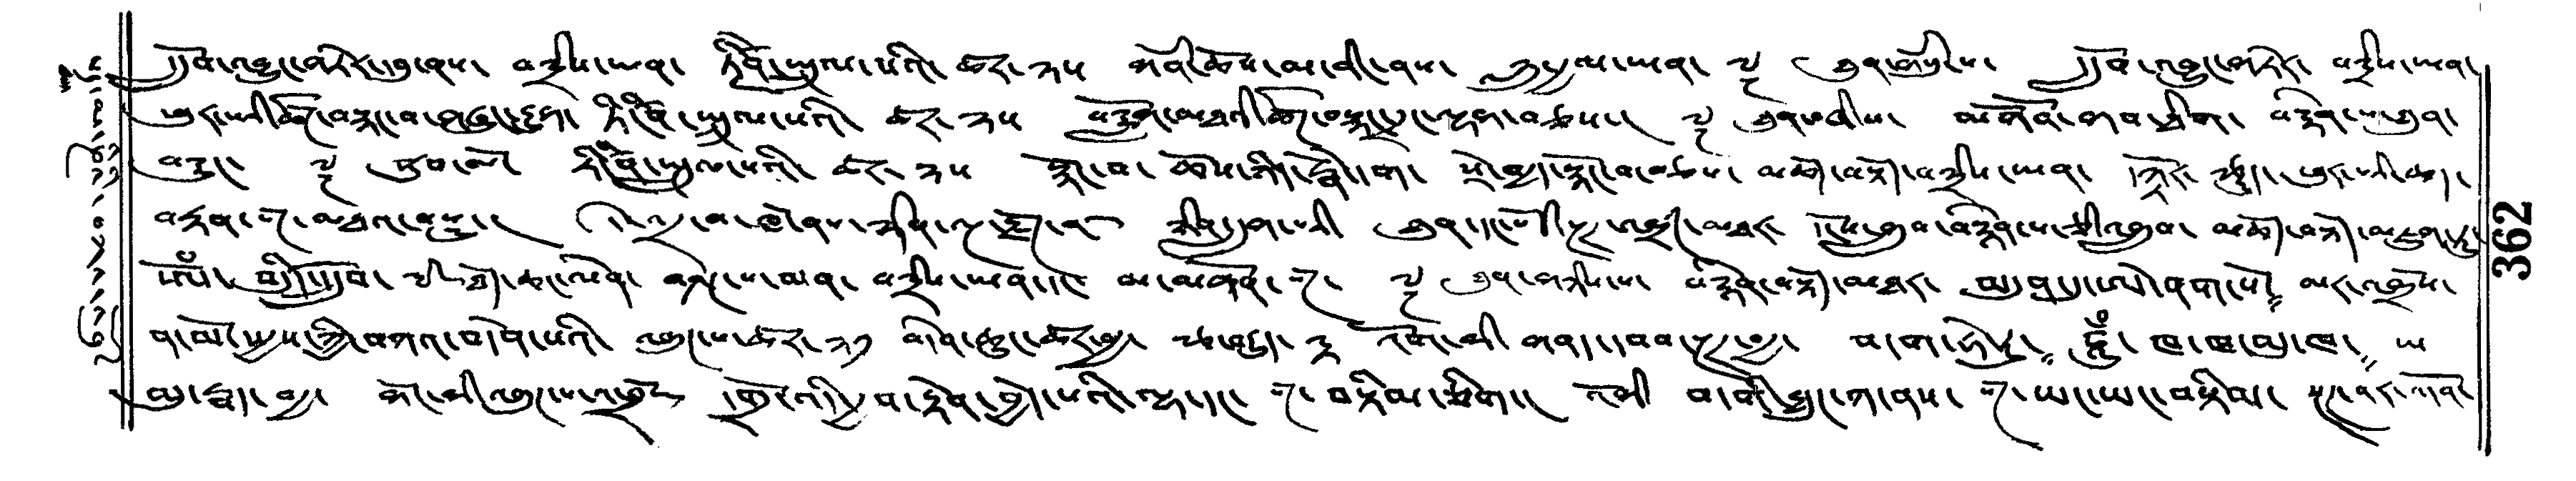དངོས་གྲུབ་འབྱུང་གཏེར་དབུ་ནས། བཀྲ་ཤིས་ཡན། ཏིང་འཛིན་སྤྲུལ་པའི༴ ཚར་ཉེར་ལྔ། གནམ་ཆོས་མ་ནིང་ནས། ཀླུ་རྒྱལ་ཡན། ༈ ཐུན་གསུམ་པ། དངོས་གྲུབ་འབྱུང་གཏེར། བཀྲ་ཤིས་ཡན། 
ཕུར་པའི་ཚོགས། བསྐང་བ་གཞུང་རྒྱུགཏིང་འཛིན་སྤྲུལ་པའི༴ ཚར་ཉེར་ལྔ། བཟློག་མཐའི་ཚོགས་བསྐང་དྲང་ལྷག་བཅས། ༈ ཐུན་བཞི་པ། མགོན་པོའི་གབ་ཐིག བསྙེན་པ་ཐུན་
བཟུང་། ༈ ནུབ་མོ། ཏིང་འཛིན་སྤྲུལ་པའི༴ ཚར་ཉེར་ལྔ། སྐོང་བ། ཆོས་ཉིད་རྣམ་དག སྡེ་བརྒྱད་སྐོང་བ་བཅས། མཆོད་བསྟོད་བཀྲ་ཤིས་ཡན། དཀར་ཏོར། རྩ་རྒྱུད༴ ཕུར་པའི་ཆད་
བརྟན་སོགས་ཀྱིས་མཐའ་བསྡུ། དེ་འདྲ་བ་ཁོ་ནས་ཉིན་ལྔ་རྫོགས་ནས། ཉིན་དྲུག་པའི་ཐུན་དང་པོའི་སྔགས་འགྲིགས་མཐར། དངོས་གྲུབ་བསྙེན་པ་ཅི་འགྲུབ། མཆོད་བསྟོད་མཇུག་ཏུ། 
ཨོཾ། བདུད་རྩི་དངོས་གྲུབ༴ ཀྱིས་ཐོད་ཆང་ལེན། བཤགས་པ་མན། བཀྲ་ཤིས་ཡན་དང་། མ་མགོན་སོགས། ༈ ཐུན་གཉིས་པ། བསྙེན་བསྟོད་མཐར། མདུན་དུ་ཨེ་ནག་པོ༴ མར་འགྲོས། 
ན་མོ། སངས་རྒྱས་ཀྱི་བཀའ་བདེན་པའི༴ འགུགས་པ་ཚར་ཉེར་གཅིག བདེན་ཆུང་ཚར་བརྒྱ། རྩ་བརྒྱུད༴ གསུམ། འོག་གི་གནད་དབབ་སྔགས་བརྒྱ། བདག་ཧེ་རུ༴ ཧཱུྃ། ཁ་ཁ་མུ་ཁ༴ ཡ་
མུ་རྦད༴ བརྒྱ། གོང་གི་འགུགས་པའི་འཕྲོས། དགྲ་བོ་འདི་རྒྱབ་རྟེན་བྱེད་པའི་ལྷ་དང༴ སོགས། བསྟིམ་ཅིག འོག་གི བདག་གི་ཐུགས་ཀ་ནས༴ སོགས། ཡང་ཡང་བསྟིམ༴ སྔགས་ནར་འདོན་